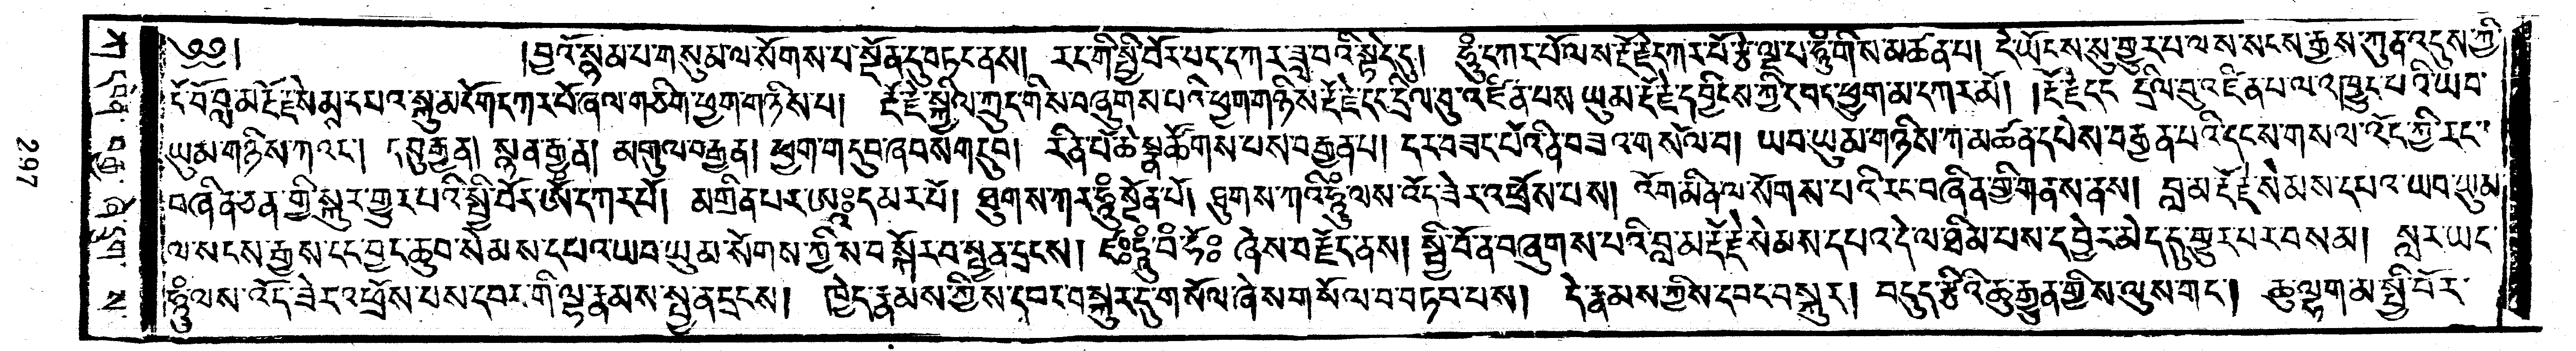༄༅། །བྱའོ་སྙམ་པ་གསུམ་ལ་སོགས་པ་སྔོན་དུ་བཏང་ནས། རང་གི་སྤྱི་བོར་པད་དཀར་ཟླ་བའི་སྟེང་དུ། ཧཱུཾ་དཀར་པོ་ལས་རྡོ་རྗེ་དཀར་པོ་རྩེ་ལྔ་པ་ཧཱུཾ་གིས་མཚན་པ། དེ་ཡོངས་སུ་གྱུར་པ་ལས་སངས་རྒྱས་ཀུན་འདུས་ཀྱི་
ངོ་བོ་བླ་མ་རྡོ་རྗེ་སེམས་དཔའ་སྐུ་མདོག་དཀར་པོ་ཞལ་གཅིག་ཕྱག་གཉིས་པ། རྡོ་རྗེ་སྐྱིལ་ཀྲུང་གིས་བཞུགས་པའི་ཕྱག་གཉིས་རྡོ་རྗེ་དང་དྲིལ་བུ་འཛིན་པས་ཡུམ་རྡོ་རྗེ་དབྱིངས་ཀྱི་དབང་ཕྱུག་མ་དཀར་མོ། །རྡོ་རྗེ་དང་དྲིལ་བུ་འཛིན་པ་ལ་འཁྱུད་པའི་ཡབ་
ཡུམ་གཉིས་ཀའང་། དབུ་རྒྱན། སྙན་རྒྱུ་ན། མགུལ་བརྒྱན། ཕྱག་གདུབ་ཞབས་གདུབ། རིན་པོ་ཆེ་སྣ་ཚོགས་པས་བརྒྱན་པ། དར་བཟང་པོའི་ན་བཟའ་གསོལ་བ། ཡབ་ཡུམ་གཉིས་ཀ་མཚན་དཔེས་བརྒྱན་པའི་དངས་གསལ་འོད་ཀྱི་རང་
བཞིན་ཅན་གྱི་སྐུར་གྱུར་པའི་སྤྱི་བོར་ཨོཾ་དཀར་པོ། མགྲིན་པར་ཨཱཿ དམར་པོ། ཐུགས་ཀར་ཧཱུཾ་སྔོན་པོ། ཐུགས་ཀའི་ཧཱུཾ་ལས་འོད་ཟེར་འཕྲོས་པས། འོག་མིན་ལ་སོགས་པའི་རང་བཞིན་གྱི་གནས་ནས། བླ་མ་རྡོ་རྗེ་སེམས་དཔའ་ཡབ་ཡུམ་
ལ་སངས་རྒྱས་དང་བྱང་ཆུབ་སེམས་དཔའ་ཡབ་ཡུམ་སོགས་ཀྱིས་བསྐོར་བ་སྤྱན་དྲངས། ཛཿ ཧཱུཾ་བཾ་ཧོཿ ཞེས་བརྗོད་ནས། སྤྱི་བོ་ན་བཞུགས་པའི་བླ་མ་རྡོ་རྗེ་སེམས་དཔའ་དེ་ལ་ཐིམ་པས་དབྱེར་མེད་དུ་གྱུར་པར་བསམ། སླར་ཡང་
ཧཱུཾ་ལས་འོད་ཟེར་འཕྲོས་པས་དབང་གི་ལྷ་རྣམས་སྤྱན་དྲངས། ཁྱེད་རྣམས་ཀྱིས་དབང་བསྐུར་དུ་གསོལ་ཞེས་གསོལ་བ་བཏབ་པས། དེ་རྣམས་ཀྱིས་དབང་བསྐུར། བདུད་རྩིའི་ཆུ་རྒྱུན་གྱིས་ལུས་གང་། ཆུ་ལྷག་མ་སྤྱི་བོར་